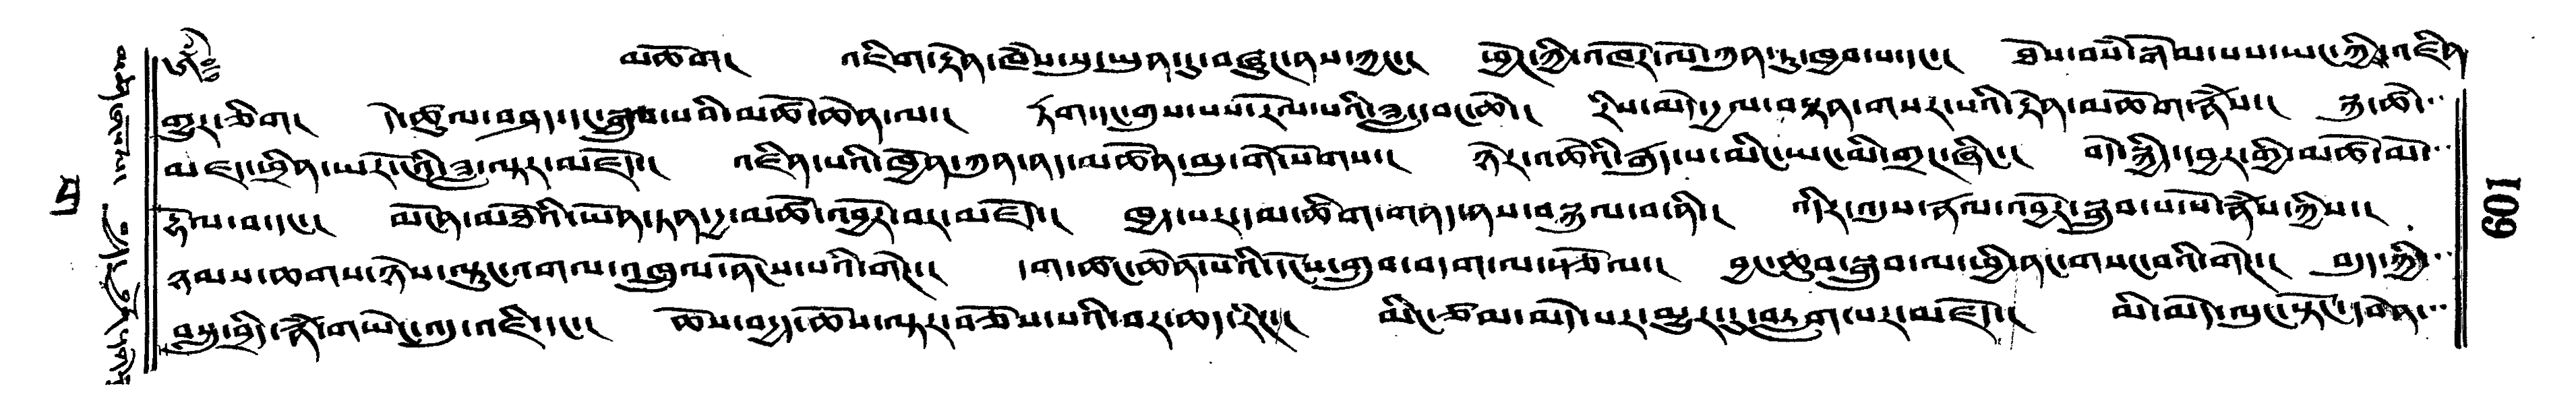མཆོག །འཇིག་རྟེན་ཁམས་སུ་ཡུན་དུ་བཞུགས་ནས་ཀྱང་། །ཕྱོགས་ཀྱི་འཁོར་ལོ་ཀུན་ཏུ་ཁྱབ་པ་དང་། ཐོས་བསམ་སྒོམ་པས་ཡུན་དུ་འཛིན་
གྱུར་ཅིག །དེ་ཚུལ་བཤད་དང་སྒྲུབ་པའི་མཚོ་ཆེན་ལ། །རྟག་དང་གུས་པས་རོལ་པའི་ཟླ་དབང་ཆེ། །རིས་མེད་རྒྱལ་བསྟན་གསར་པའི་རྟེན་མཆོག་རྣམས། སྐུ་ཚེ་
མཛད་ཕྲིན་ཡར་ངོའི་ཟླ་ལྟར་མཛོད། འཛིན་མའི་ཁྱོན་ཀུན་ནད་མཚོན་མུ་གེ་སོགས། །ཉེར་འཚེའི་རྒུད་པ་མིང་ཡང་མི་གྲག་ཅིང་། །བདེ་སྐྱིད་དབྱར་གྱི་མཚོ་མོ་
རྡོལ་བ་དང་། །མངོན་མཐོའི་ཡོན་ཏན་རྒྱ་མཚོ་འབྱོར་བར་མཛོད། ཁྱད་པར་དམ་ཚིག་གནད་ནས་སྐུལ་བ་ནི། །འདིར་འདུས་རྣལ་འབྱོར་སྒྲུབ་པ་པོ་རྣམས་ཀྱིས། །
ཉམས་ཆག་ཉེས་ལྟུང་འགལ་འཁྲུལ་ནོངས་པའི་བགེགས། །དག་ཚངས་ཆེན་པོའི་དངོས་གྲུབ་བདག་ལ་སྩོལ། །བྱང་ཆུབ་སྒྲུབ་ལ་ཕྱི་ནང་གསང་བའི་གེགས། །བདུད་ཀྱི་
བསླུ་བྲིད་རྣམ་གཡེང་འདུ་འཛི་དང་། །ཆོས་བརྒྱད་ཆོས་ལྟར་བཅོས་པའི་བར་ཆད་རིགས། །མིང་ཙམ་མེད་པར་མྱུར་དུ་བརླག་པར་མཛོད། །མི་མེད་ལུང་སྟོང་དབེན་༼